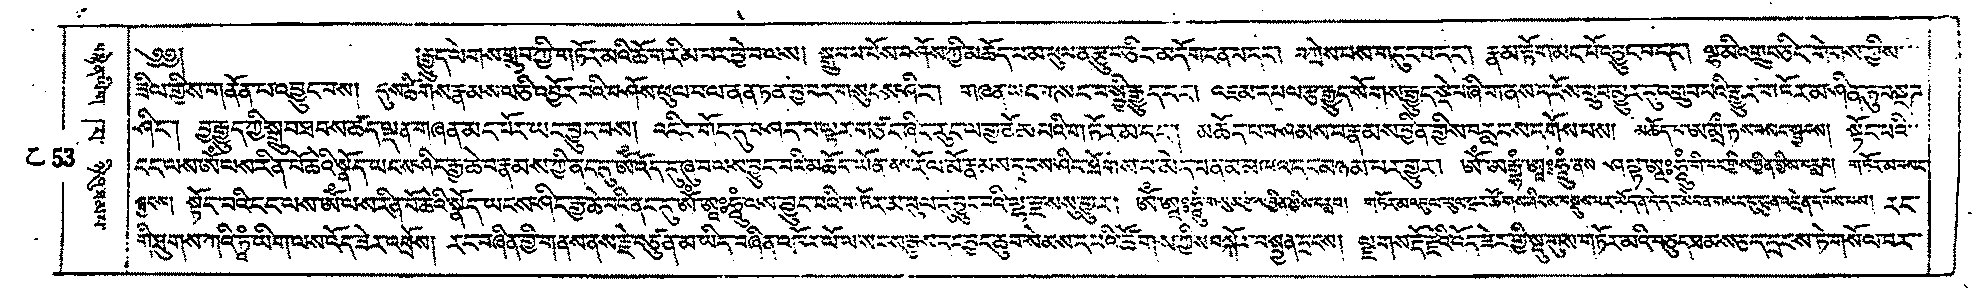༄༅། །རྒྱུད་ལེགས་གྲུབ་ཀྱི་གཏོར་མའི་ཆོ་ག་རིམ་པར་ཕྱེ་བ་ལས། སྒྲུབ་པ་པོས་བཤོས་ཀྱི་མཆོད་པ་མ་ཕུལ་ན་རྩུབ་ཅིང་མདོག་ངན་པ་དང་། བཀྲེས་པས་གདུང་བ་དང་། རྣམ་རྟོག་མང་པོ་འབྱུང་བ་དང་། ལྷ་མི་འགྲུབ་ཅིང་གེགས་ཀྱིས་་་
ཟིལ་གྱིས་གནོན་པ་འབྱུང་བས། དུས་ཚིགས་རྣམས་ལ་ཅི་འབྱོར་པའི་བཤོས་ཕུལ་བ་ལ་ནན་ཏན་བྱ་བར་གསུངས་ཤིང་། གཞན་ཡང་གསང་བ་སྤྱི་རྒྱུད་དང་། འཇམ་དཔལ་རྩ་རྒྱུད་སོགས་རྒྱུད་སྡེ་བ་ཞིག་ནས་དངོས་གྲུབ་མྱུར་དུ་འགྲུབ་པའི་རྒྱུར་གཏོར་མ་ཤིན་ཏུ་བསྔཌ་
ཤིང་། བྱ་རྒྱུད་ཀྱིས་གྲུབ་ཐབས་ཚད་ལྡན་གཞན་མང་པོར་ཡང་བྱུང་བས། འདིར་གོང་དུ་བཤད་པ་ལྟར་གཙང་ཞིང་རུང་ལ་གྱ་ནོམ་པའི་གཏོར་མ་དང་། མཆོད་པ་བཤམས་པ་རྣམས་བྱིན་གྱིས་བརླབས་དགོས་པས། མཆོད་པ་ཨ་མྲྀ་ཏས་བསང་སྦྱངས།  སྟོངས་པའི་་་
ངང་ལས་ཨོཾ་ལས་རིན་པོ་ཆེའི་སྣོད་ཡངས་ཤིང་རྒྱ་ཆེ་བ་རྣམས་ཀྱི་ནང་དུ་ཨོཾ་འོད་དུ་ཞུ་བ་ལས་བྱུང་བའི་མཆོད་ཡོན་ནས་རོལ་མོ་རྣམས་དྭངས་ཤིང་ཐོགས་པ་མེད་པ་ནམ་མཁའ་དང་མཉམ་པར་གྱུར། ཨོཾ་ཨརྒྷཾ་ཨཱཿ ཧཱུཾ་ནས་ཤཔྟ་ཨཱཿ ཧཱུཾ་གི་བར་གྱིས་བྱིན་གྱིས་བརླབ། གཏོར་མ་བསང་
སྦྱངས། སྟོང་པའི་ངང་ལས་ཨོཾ་ལས་རིན་པོ་ཆེའི་སྣོད་ཡངས་ཤིང་རྒྱ་ཆེ་བའི་ནང་དུ་ཨོཾ་ཨཱཿ ཧཱུཾ་ལས་བྱུང་བའི་གཏོར་མ་ཕུལ་དུ་བྱུང་བའི་ལྷ་རྫས་སུ་གྱུར། ཨོཾ་ཨཱཿ ཧཱུཾ་གསུམ་གྱིས་བྱིན་གྱིས་བརླབ། གཏོར་མ་འབུལ་ཡུལ་སྔར་ཚོགས་ཞིང་མ་བསྡུས་པར་ཡོད་ན་དེ་དང་མེད་ན་གསར་དུ་སྤྱན་འདྲེན་དགོས་པས།  རང་
གི་ཐུགས་ཀའི་ཏཱཾ་ཡིག་ལས་འོད་ཟེར་འཕྲོས། རང་བཞིན་གྱི་གནས་ནས་རྗེ་བཙུན་མ་ཡིད་བཞིན་འཁོར་ལོ་ལ་སངས་རྒྱས་དང་བྱང་ཆུབ་སེམས་དཔའི་ཚོགས་ཀྱིས་བསྐོར་བ་སྤྱན་དྲངས། ལྗགས་རྡོ་རྗེའི་འོད་ཟེར་གྱི་སྤུ་གུས་གཏོར་མའི་བཅུད་ཐམས་ཅད་དྲངས་ཏེ་གསོལ་བར་་་